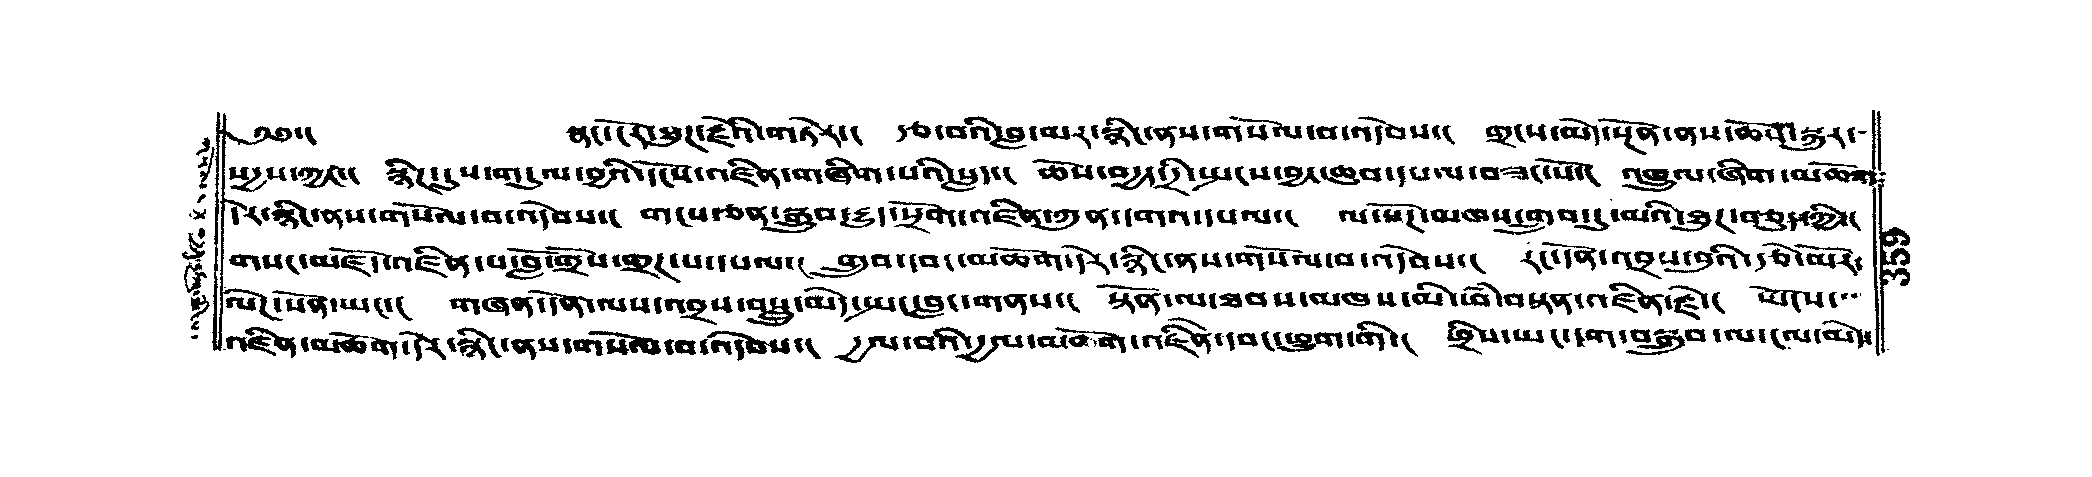སྣང་ངོར་ཐུགས་རྗེའི་གཏེར། །རྩ་བའི་བླ་མར་སྙིང་ནས་གསོལ་བ་འདེབས། །གྲངས་མེད་སྔོན་ནས་ཆོས་སྐུར་
སངས་རྒྱས་ཀྱང་། །སྙིགས་དུས་གདུལ་བྱའི་དངོས་འཛིན་གཞིག་པའི་སླད། །ཆོས་བརྒྱད་དྲི་སྤངས་བྱང་ཆུབ་དཔལ་བཟང་པོ། །འཁྲུལ་ཞིག་མཆོག་
དེར་སྙིང་ནས་གསོལ་བ་འདེབས། །གངས་ཅན་སྒྲུབ་རྒྱུད་སྲོག་འཛིན་ཀུན་དགའ་དཔལ། །ལ་སོགས་མཁས་གྲུབ་དུ་མའི་ཐུགས་བཅུད་ཀྱི། །
གསང་མཛོད་འཛིན་པ་བློ་གྲོས་གྲགས་པ་དཔལ། །གྲུབ་དབང་མཆོག་དེར་སྙིང་ནས་གསོལ་བ་འདེབས། །རང་དོན་འབྲས་བུའི་རྩེ་མོར་
ལེགས་སོན་ཡང་། །གཞན་དོན་ལས་འབྲས་བསླུ་མེད་སྤང་བླང་གནས། །སྟོན་ལ་ཐབས་མཁས་མི་ཕམ་བསྟན་འཛིན་རྗེ། །ཡོངས་
འཛིན་མཆོག་དེར་སྙིང་ནས་གསོལ་བ་འདེབས། །རྒྱལ་བའི་རྒྱལ་མཆོག་འཇིག་རྟེན་དབང་ཕྱུག་གི།ཕྲིན་ལས་ཡང་དག་བསྒྲུབ་ལ་ངལ་མེད་